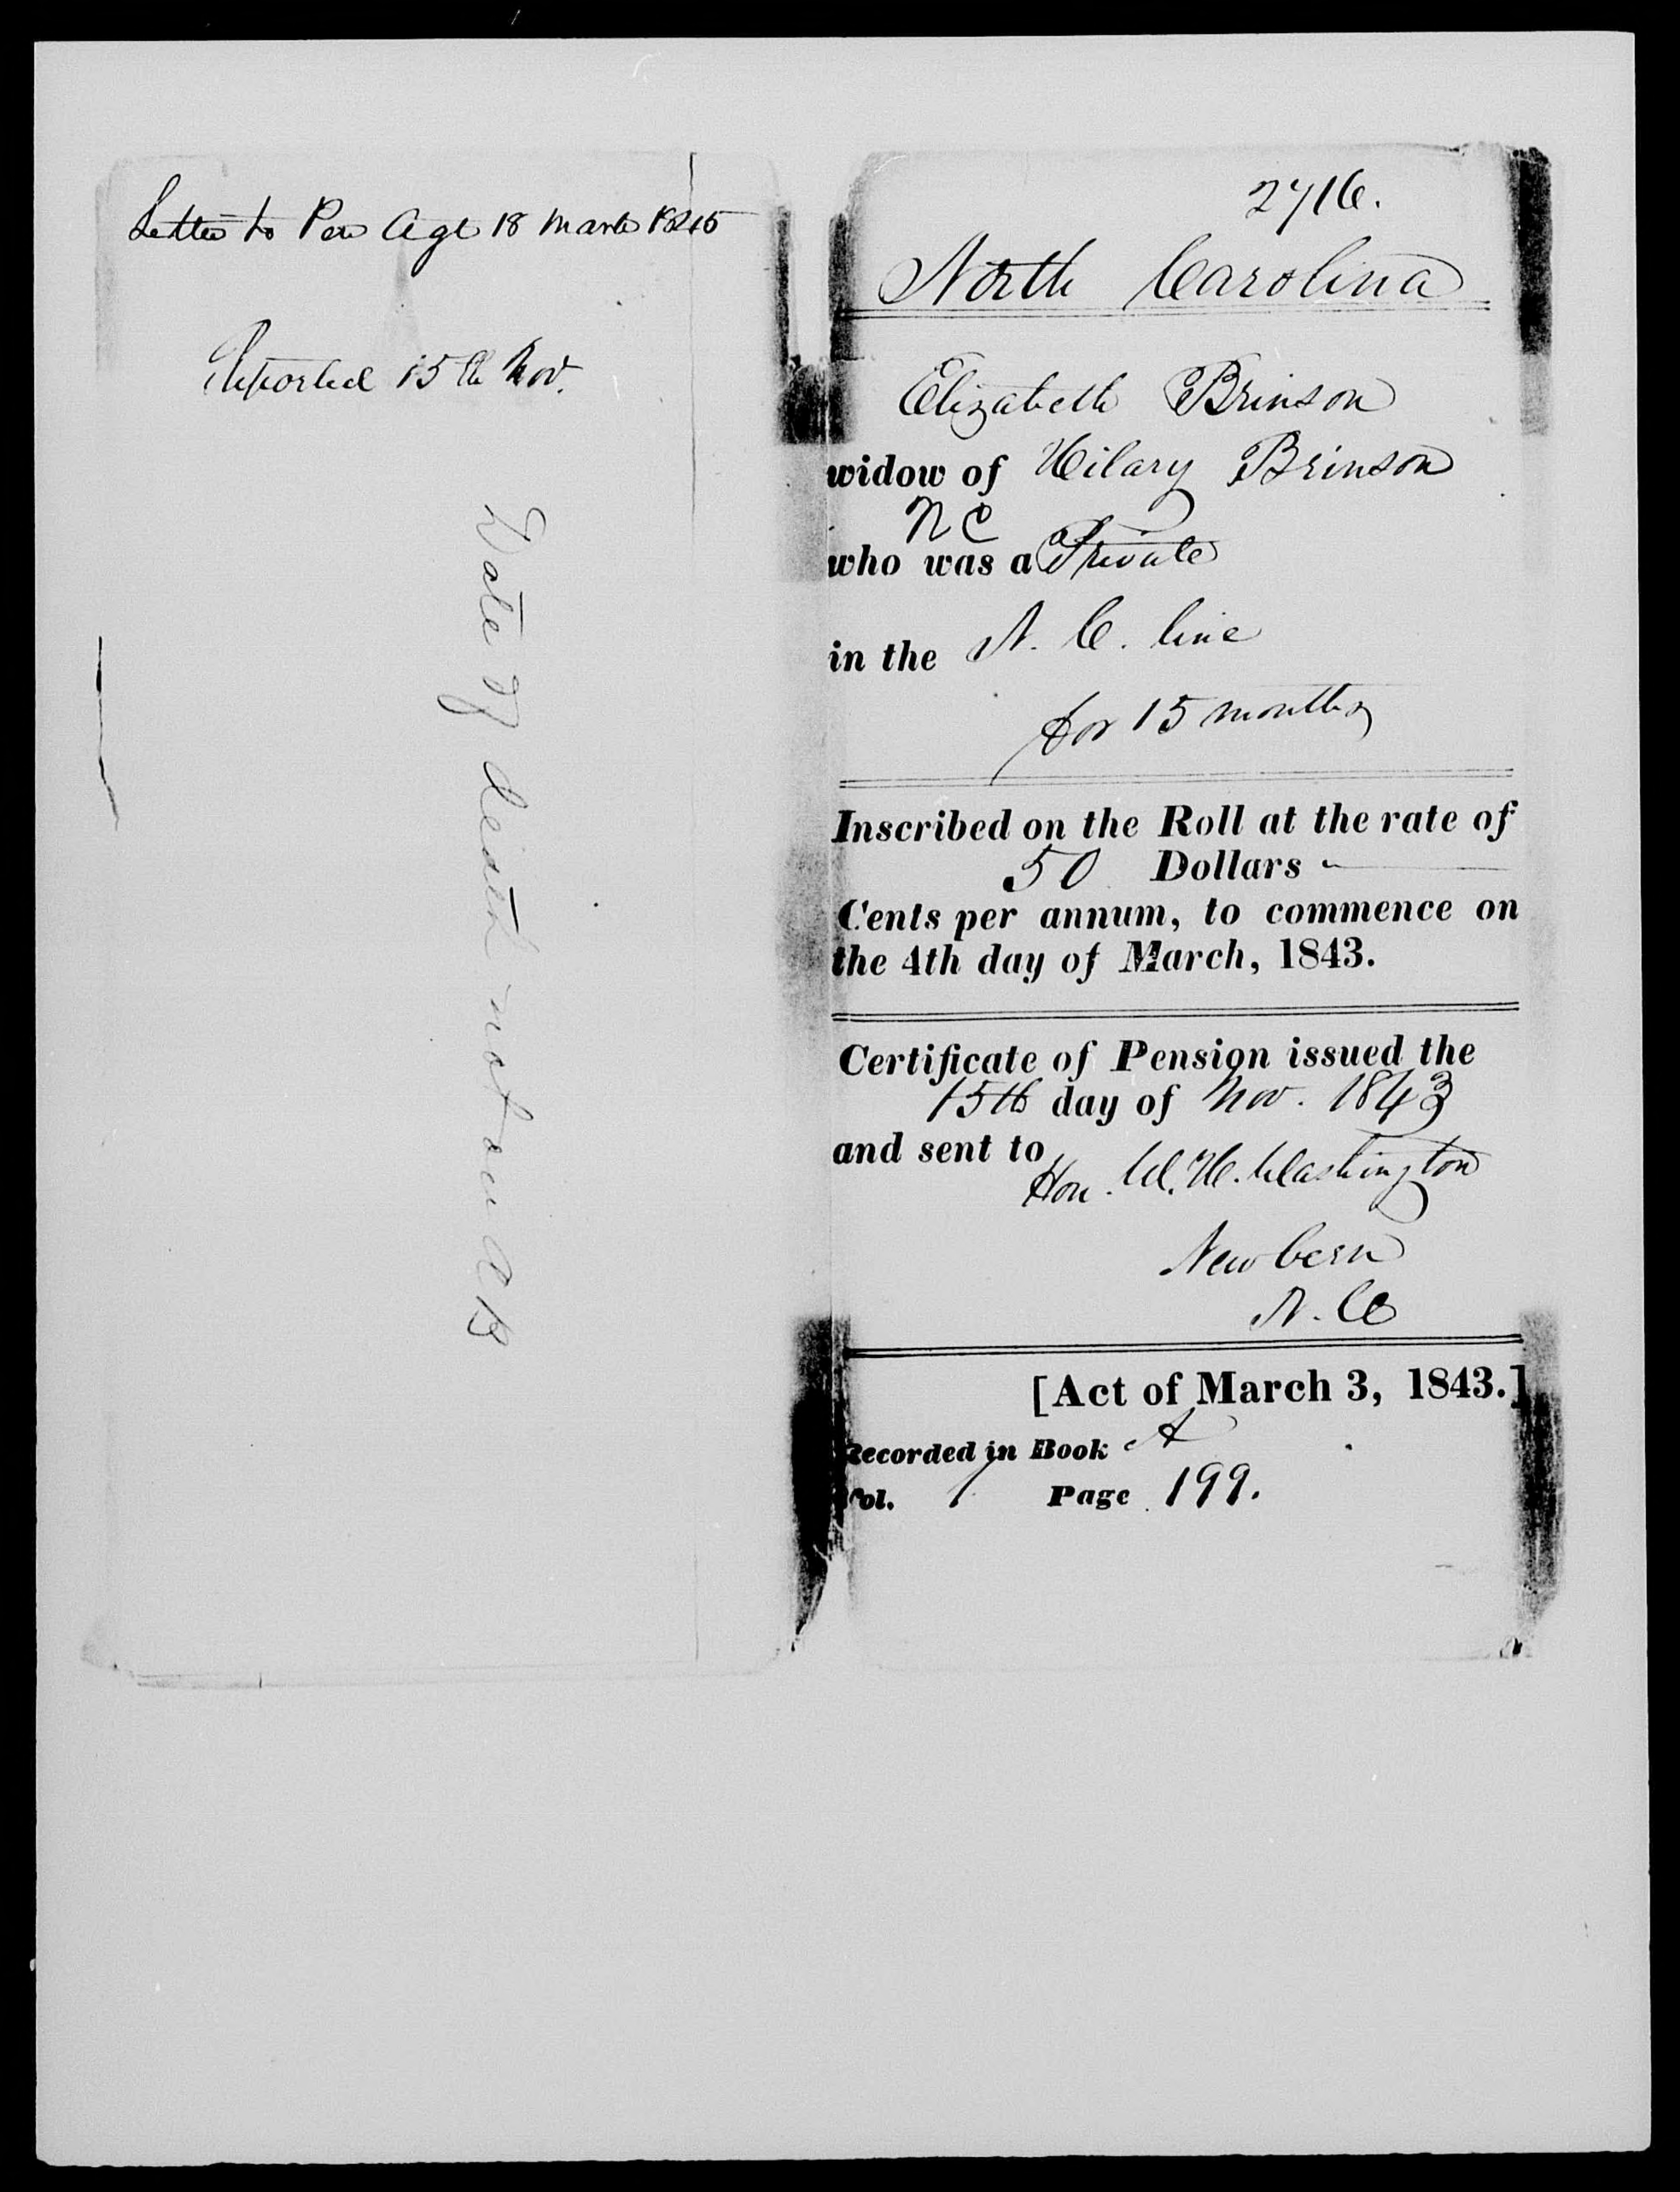[left side of page]
Letter to Pen Agt 18 March 1845

Reported 15th Nov.

Date of death not on AB

[right side of page]
2716
North Carolina
Elizabeth Brinson
widow of Hilary Brinson
NC
who was a private
int he N.C. line
for 15 months

Inscribed on the Roll at the rate of 
50 Dollars -
cents per annum, to commence on 
the 4th day of March, 1843.

Certificate of Pension issued the 
15th day of Nov. 1843
and sent to 
Hon. W. H. Washington
Newbern
N.C.

[Act of March 3, 1843.]

Recorded in Book A
Vol. 1  Page 199.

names: Hilary Brinson, W H Wahsington, Elizabeth Brinson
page: 3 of 38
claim: widow's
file: W. 5231, Hilary Brinson, N.C.